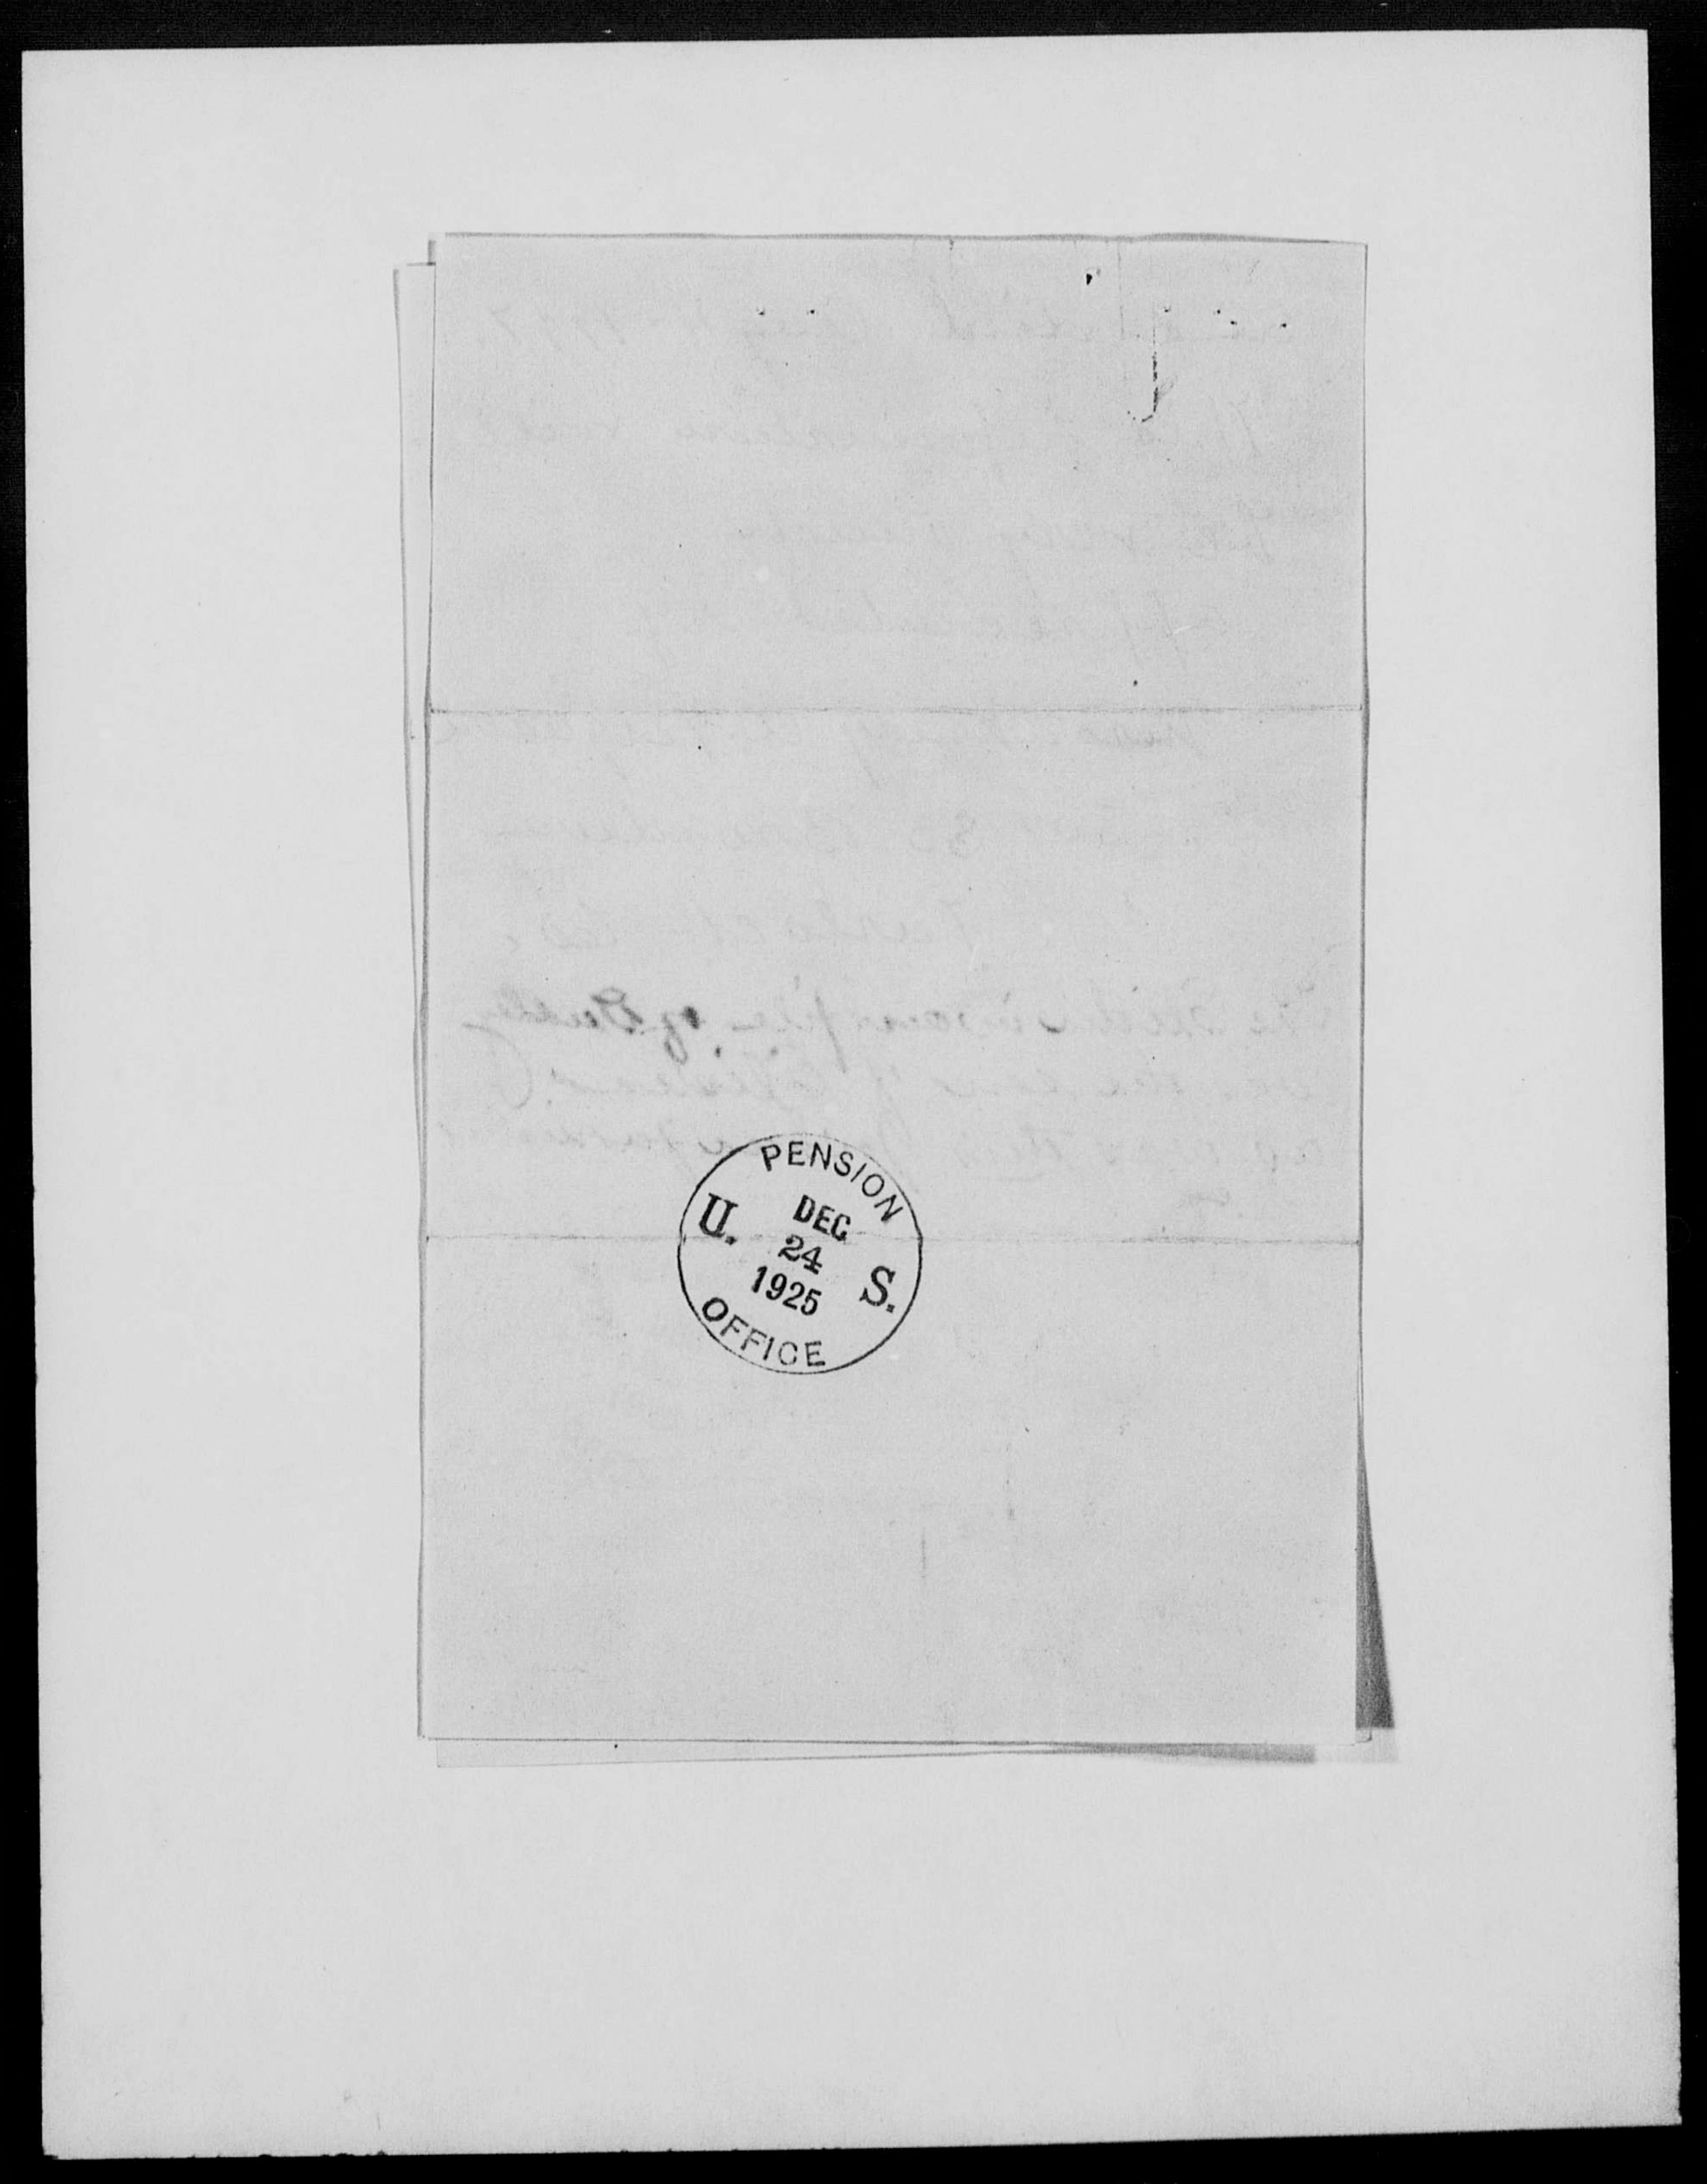(stamped)
US Pension Office
Dec 24, 1925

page: 24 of 34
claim: survivor's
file: S. 12581, Joshua Corbin, Mass.